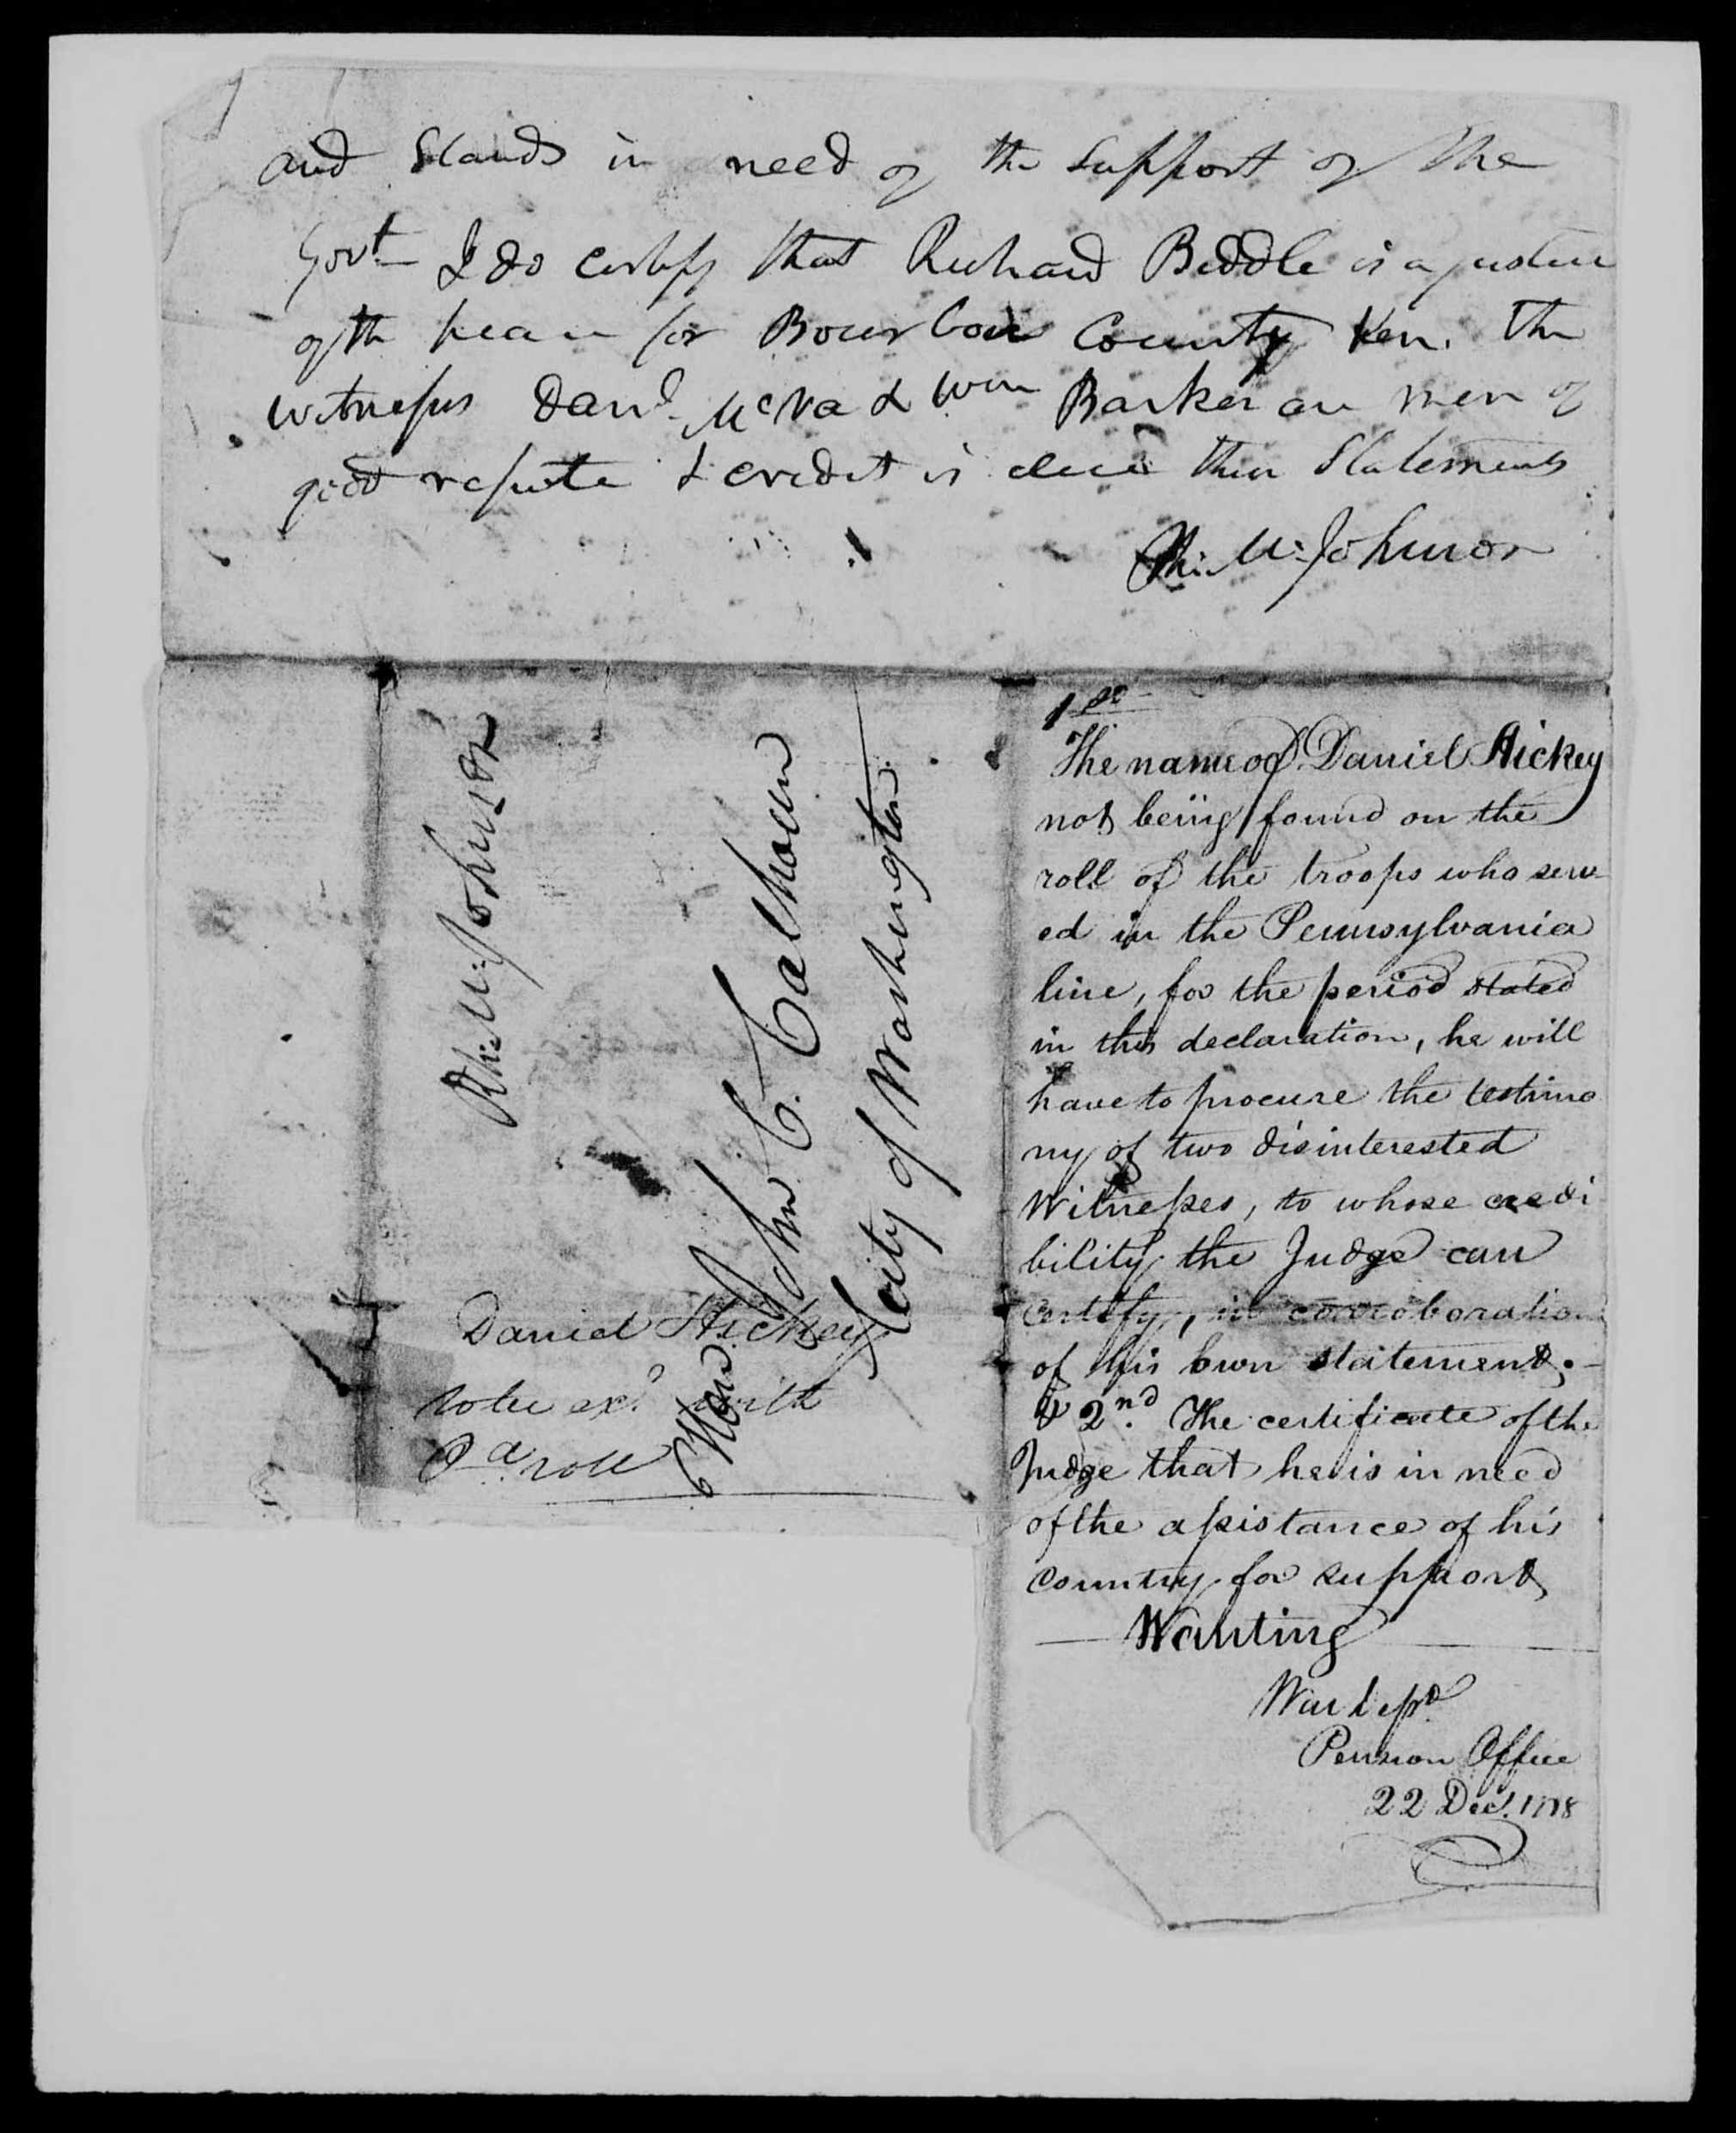and stands in need of the support of the
Govt. I do certify that Richard Biddle is a justice
of the peace for Bourbon County Ken. the
witnesses Danl Mc Va & Wm Barker are men of
good repute & credit is due their statements
Rhi. Mc. Johnson
Hon John C. Calhoun
City of Washington
Daniel Hickey rotec ex. with Pa. roll
1st 
The name of Daniel Hickey
not being found on the
roll of the troops who served in the Pennsylvania line, for the period stated
in this declaration, he will
have to procure the testimony of two disinterested Witnesses, to whose credibility the Judge can certify, in corroboration of
of his own statement.
& 2nd The certificate of the
Judge that he is in need
of the assistance of his
County for support
Wanting
War Dept
Pension Office
22 Dec 1818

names: Rh M Johsnon, John C Calhoun, Daniel Hickey, Danl Mc Va, Richard Beddle, Rh M Johsnon, Wm Barker, Daniel Hickey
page: 12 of 84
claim: widow's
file: W. 7744, Daniel Hickey, Penn.